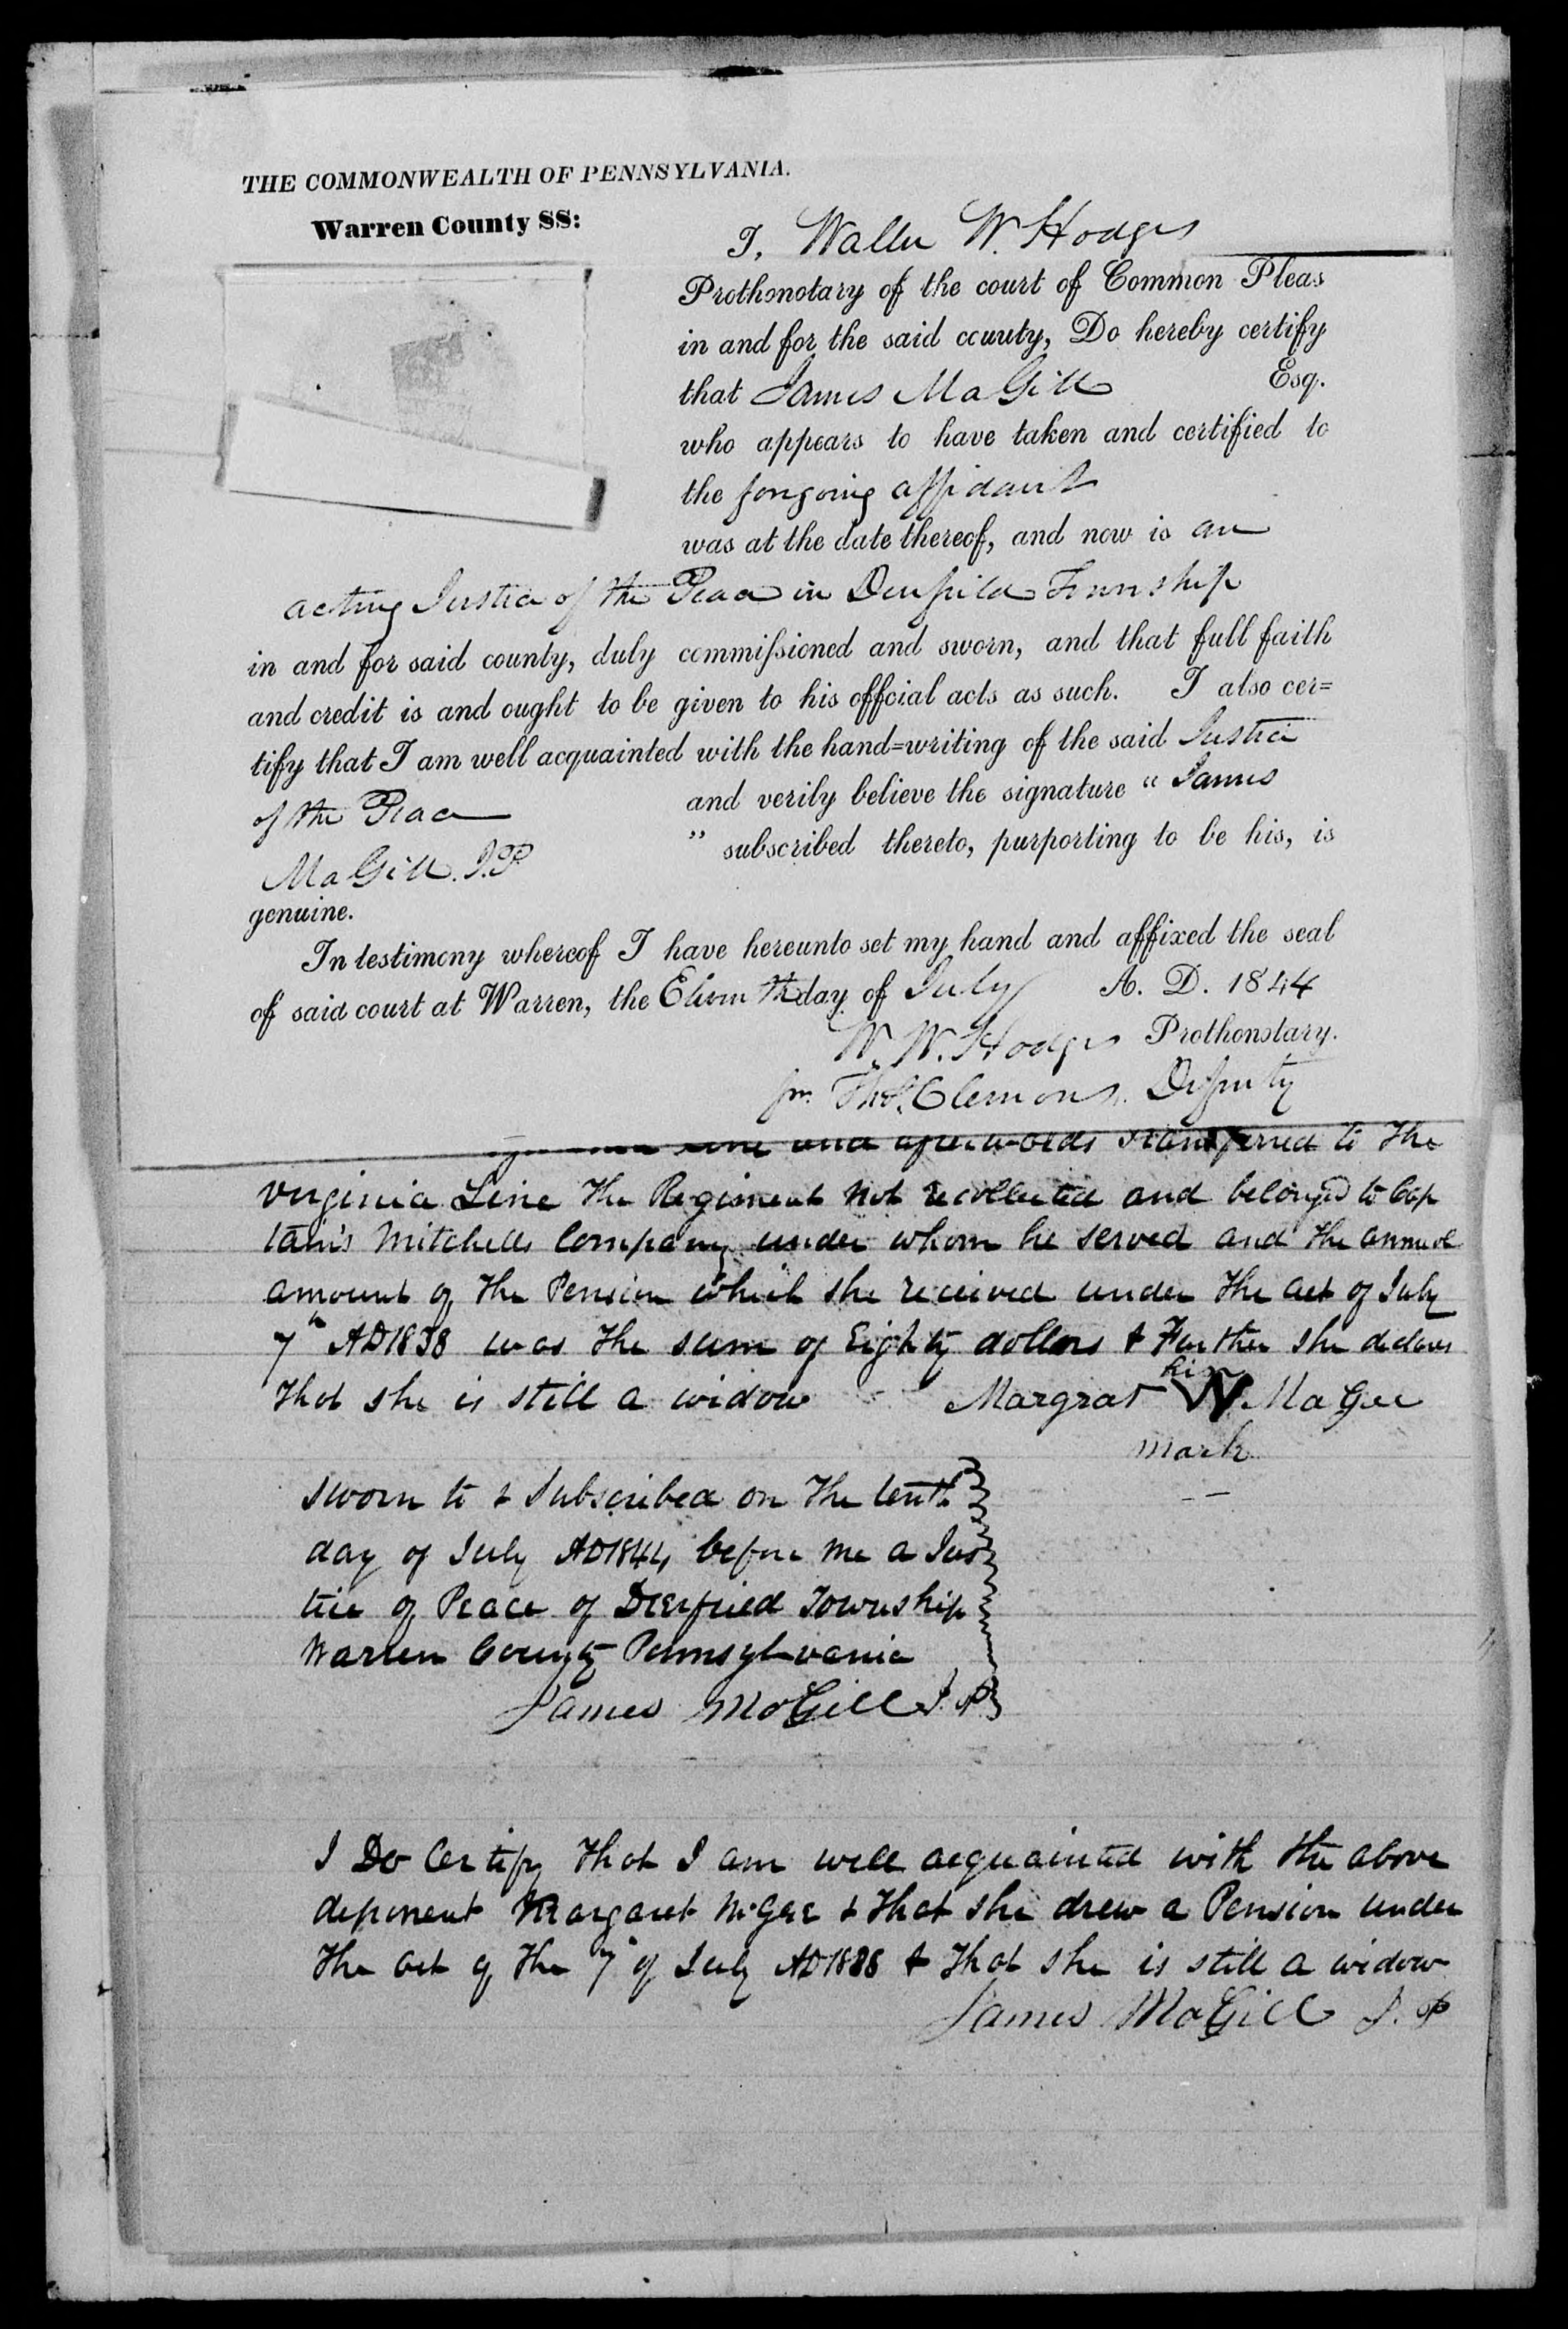THE COMMONWEALTH OF PENNSYLVANIA.
Warren County SS:

I, Walter W. Hodges Prothonotary of the court of Common Pleas in and for the said county, Do hereby certify that James Magill Esq
who appears to have taken and certified to
the foregoing affidavit was at the date thereof, and now is an acting Justice of the Peace in Deerfield Township in and for said county, duly commissioned and sworn, and that full faith
and credit is and ought to be given to his official acts as such. I also certify that I am well acquainted with the hand-writing of the said Justice of the Peace and verily believe the signature "James Magill J.P subscribed thereto, purporting to be his, is genuine.


In testimony whereof I have hereunto set my hand and affixed the seal of said court at Warren, the Eleventh day of July
A. D. 1844

W..W. Hodges
for. Theo Clemons, Deputy

(note this certification was placed on top of the affidavit in question )

(SEAL affixed to upper left corner)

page: 63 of 77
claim: widow's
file: W 2954, for James Mc Gee, Delaware